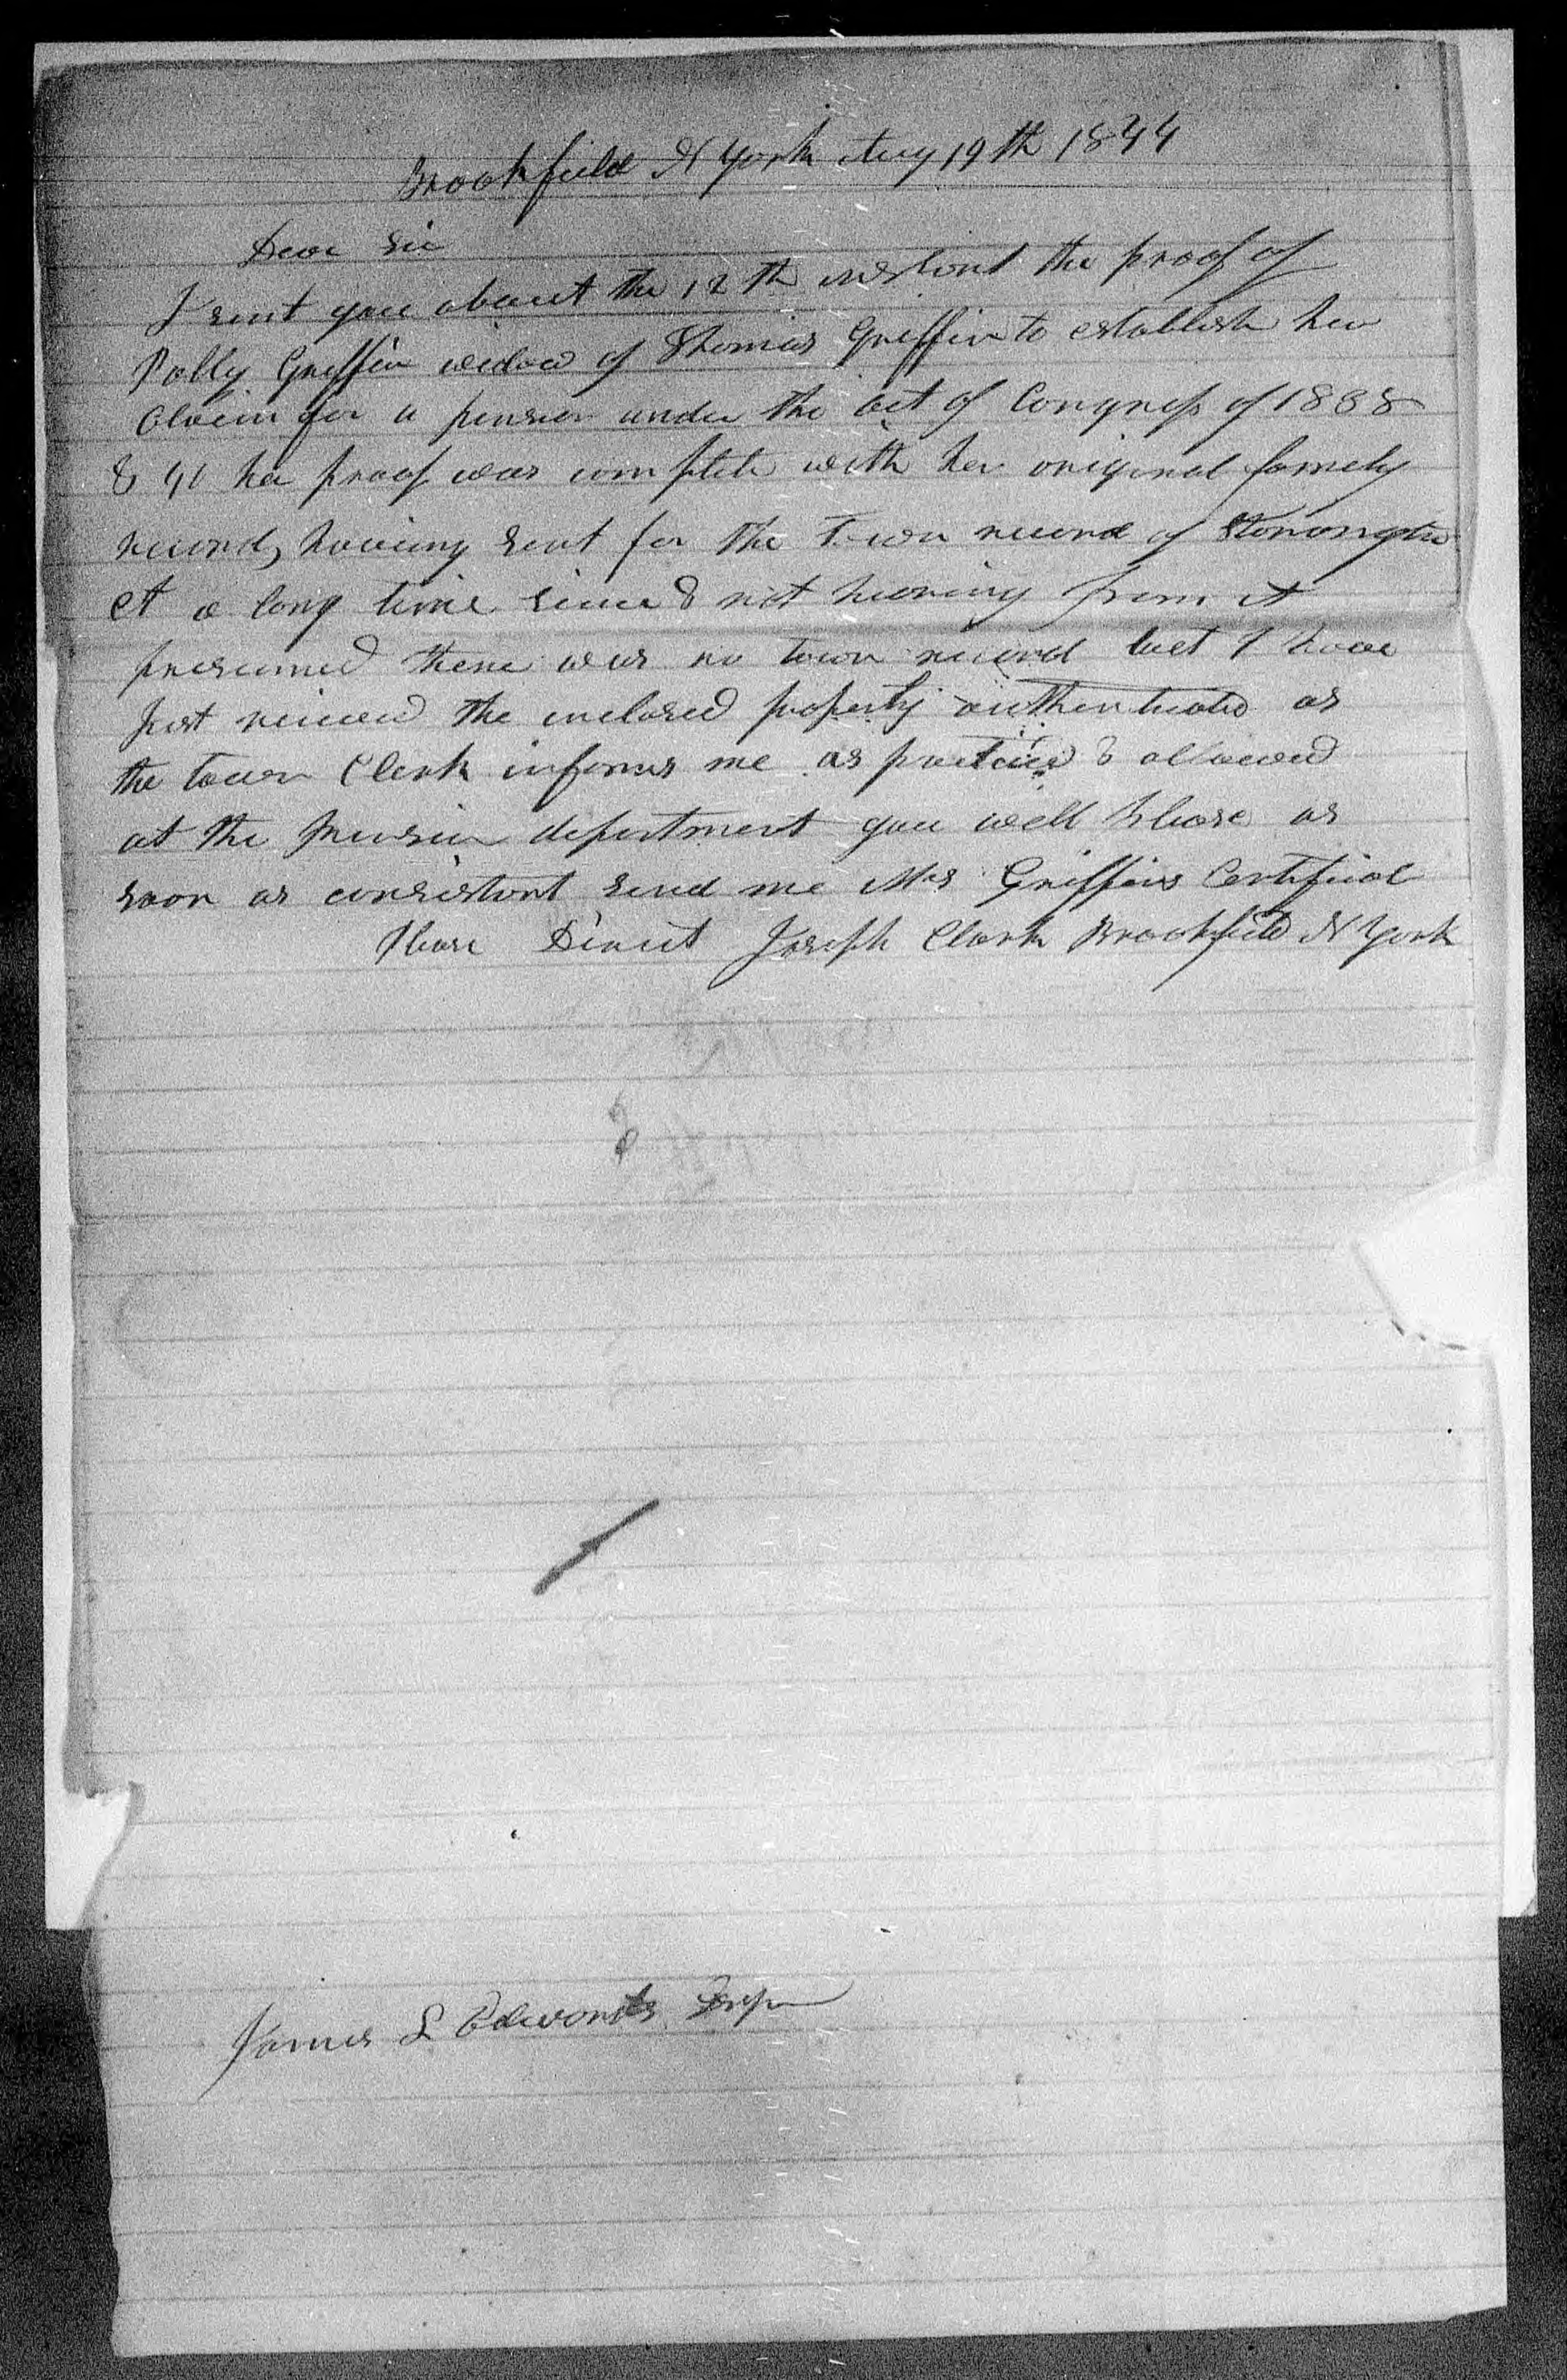Brookfield N York May 19th 1844
Dear Sir  I sent you about the 12th instant the proof of Polly Griffin widow of Thomas Griffin to establish her Claim for a pension under the act of Congress of 1838 & yt her proof was complete with her original family record, having sent for the town record of Stonington at a long time since & not hearing from it presumed there was no town record, but I have just received the enclosed properly authenticated as the town Clerk informs me as practiced & allowed at the pension department, you will please as soon as consistant send me Mrs Griffins certificate
Please Direct Joseph Clark Brookfield N York James L Edwards Esqr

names: Polly Griffin, Thomas Griffin, Griffin, Joseph Clork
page: 35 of 60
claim: widow's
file: W. 19,537, Thomas Griffin, Conn.